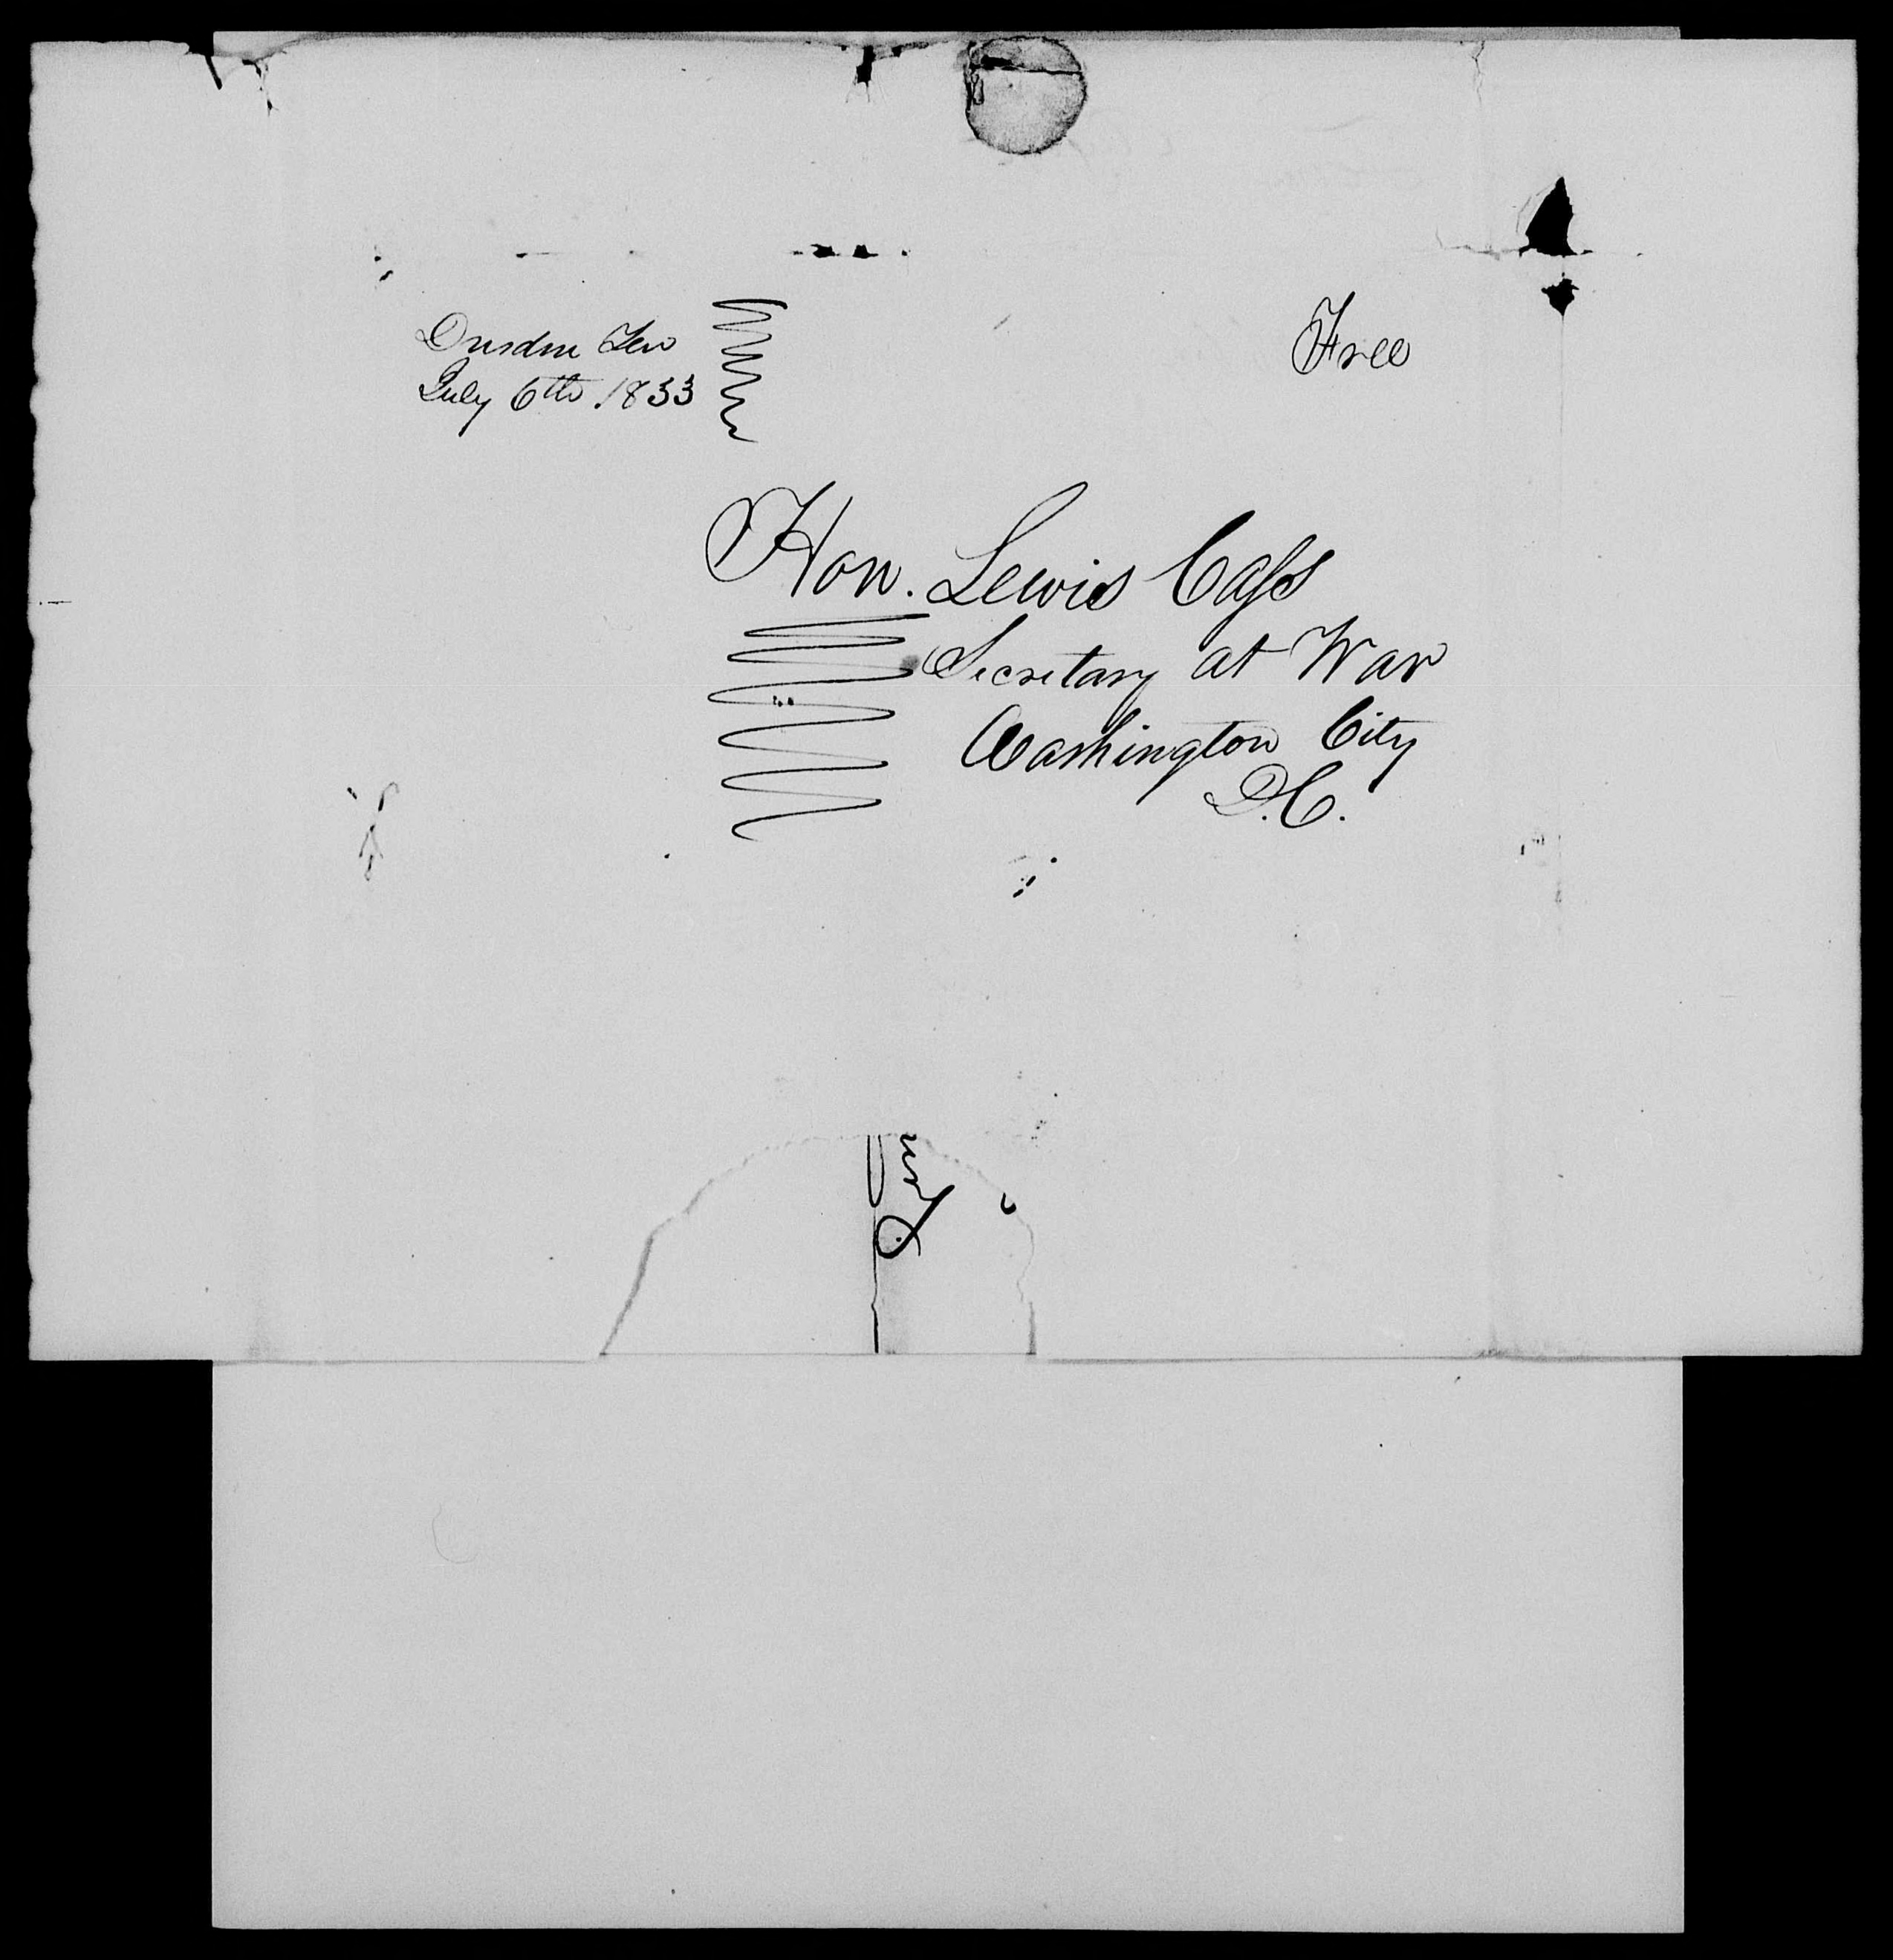Dresden Ten} 
July 6th 1833} 

Free 

Hon. Lewis Cass 
Secretary at War 
Washington City 
D.C.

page: 14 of 14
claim: survivor's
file: S. 1693, for William Mc Lusky, South Carolina